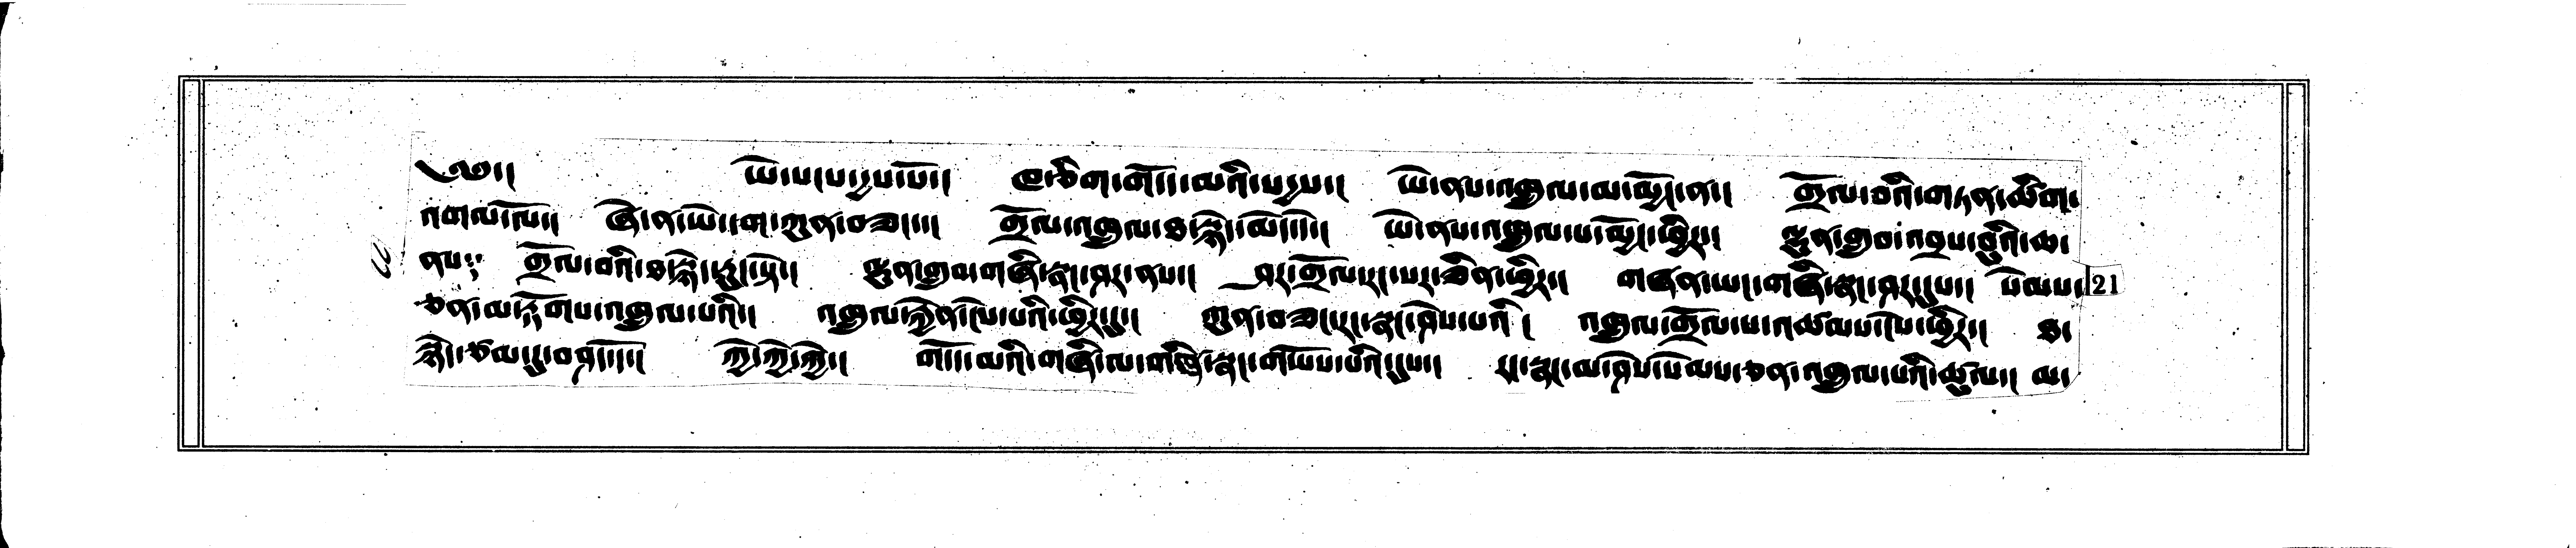ཡེ་སངས་རྒྱས་སོ། །ཁ་ཅིག་གོང་མའི་སངས་རྒྱས། །ཡེ་ནས་འཁྲུལ་མ་མྱོང་ན། །གྲོལ་བའི་གཏན་ཚིགས་
འགལ་ལོ། །ཞེ་ན་ཡེ་དག་ཀུན་བཟང་། །གྲོལ་འཁྲུལ་ཐ་སྙད་མེད་དེ། །ཡེ་ནས་འཁྲུལ་མ་མྱོང་ཕྱིར། །ལྷུན་གྲུབ་འབྲས་བུའི་ཆ་
ནས། །གྲོལ་བའི་ཐ་སྙད་རུང་སྟེ། །ལྷུན་གྲུབ་གཞི་སྣང་ཤར་ནས། །ཤར་གྲོལ་རང་སར་ཟིན་ཕྱིར། །གཞན་ཡང་གཞི་སྣང་ཤར་དུས། །སེམས་
ཅན་མ་རྟོགས་འཁྲུལ་པའི། །འཁྲུལ་རྐྱེན་ངེས་པའི་ཕྱིར་དུ། །ཀུན་བཟང་རང་སྣང་ཤེས་པའི། །འཁྲུལ་གྲོལ་ས་མཚམས་ངེས་ཕྱིར། །ཐ་
སྙད་ཙམ་དུ་བཤད་དོ། །ཀྱེ་ཀྱེ་ཀྱེ། གདོད་མའི་གཞི་ལ་གཞི་སྣང་གཡོས་པའི་དུས། །རང་སྣང་མ་ཤེས་སེམས་ཅན་འཁྲུལ་པའི་ཚུལ། །མ་